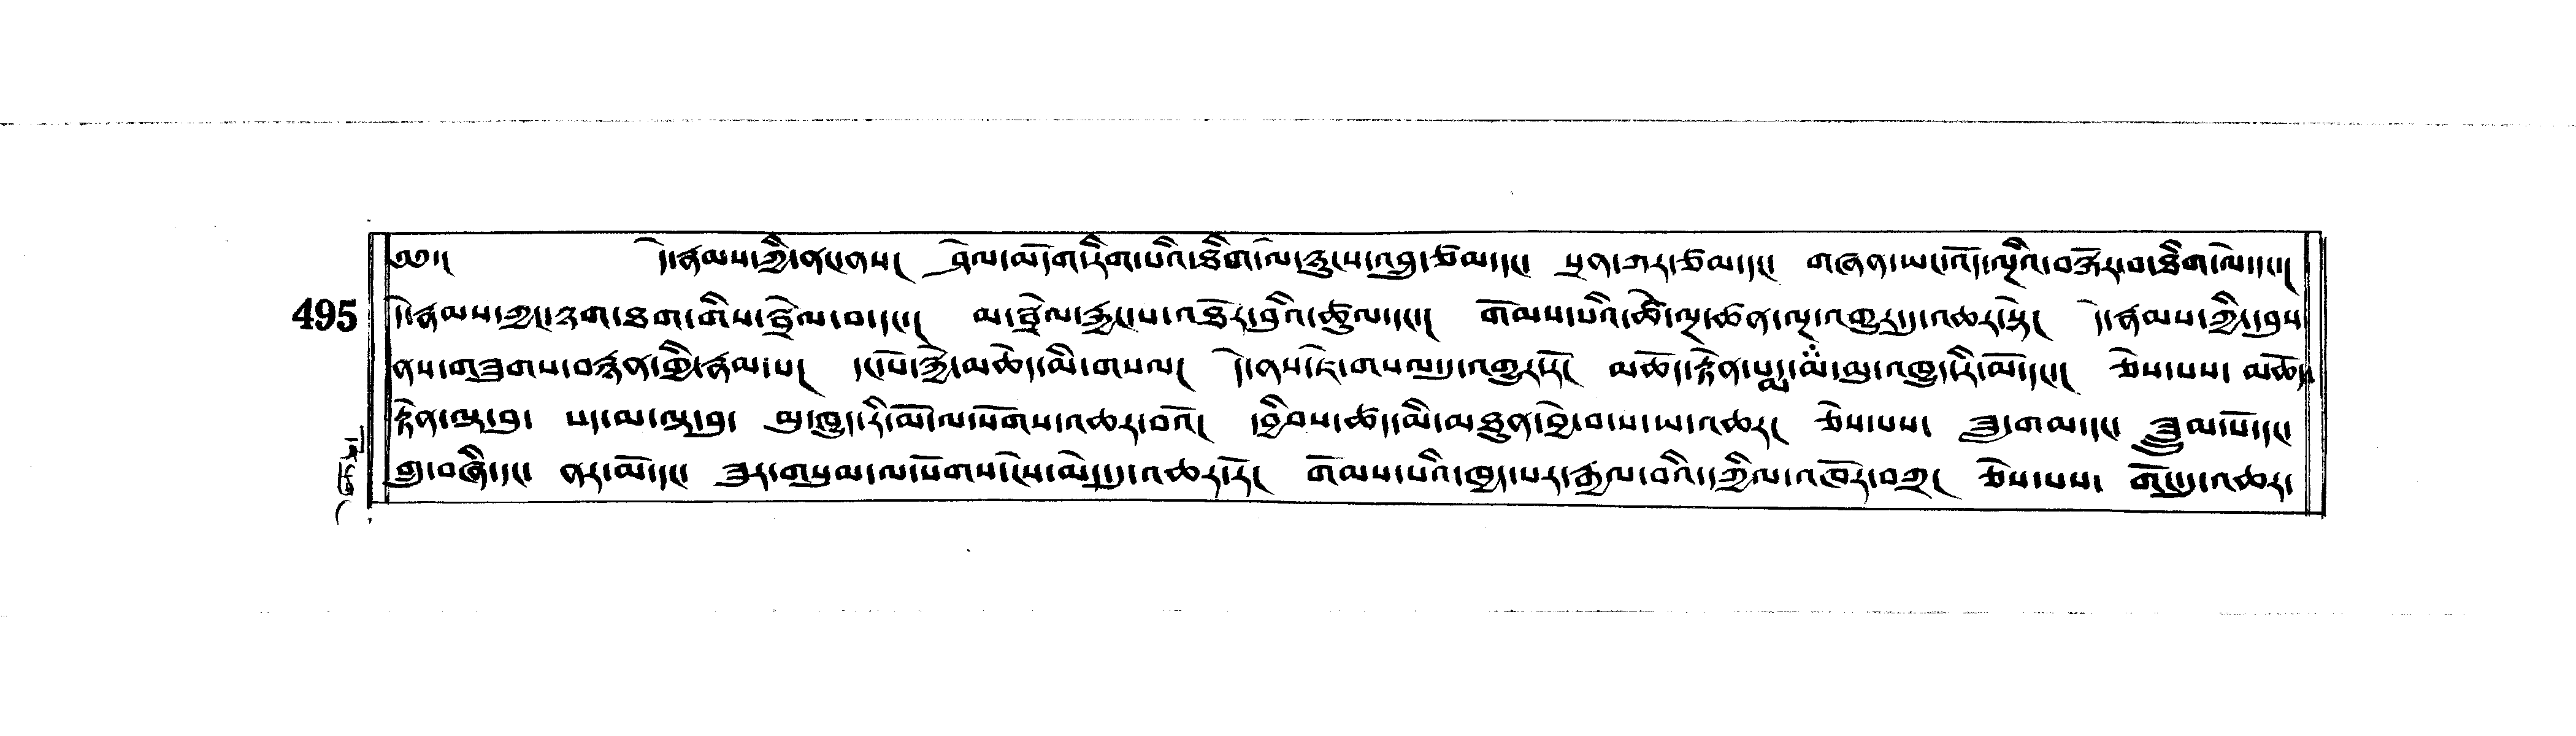དེ་རྣམས་ཀྱི་ནང་ནས། ཤེལ་མདོག་རིག་པའི་ཐིག་ལེ་ཉུང་འབྲུ་ཙམ་དང་། སྲན་དཀར་ཙམ་དང་། གཞན་ཡང་འོད་ལྔའི་བསྐོར་བ་ཐིག་ལེ་དང་། 
དེ་རྣམས་ཀྱང་ཉག་ཐག་གིས་སྦྲེལ་བ་དང་། མ་སྦྲེལ་རྐྱང་བ་ཐོར་བུའི་ཚུལ་དང་། གོམས་པའི་ཚེ་ལྔ་ཚན་ལྔ་འགྱུར་དུ་འཆར་ཏེ། དེ་རྣམས་ཀྱི་དབུས་
ནས་གཟུགས་བརྙན་གྱི་རྣམ་པ། དང་པོ་སྐྱེ་མཆེད་མི་གསལ། དེ་ནས་ཇེ་གསལ་དུ་འགྱུར་རོ། མཆོད་རྟེན་པདྨ་མུ་ཁྱུད་རི་མོ་དང་། ཅེས་པས། མཆོད་
རྟེན་ལྟ་བུ། པདྨ་ལྟ་བུ། མུ་ཁྱུད་རི་མོ་ལ་སོགས་འཆར་བའོ། དབྱིབས་ཚད་མི་མཐུན་བྱེ་བ་ས་ཡ་འཆར། ཅེས་པས། ཟླ་གམ་དང་/ ཟླུམ་པོ་དང་
གྲུ་བཞི་དང་། ནར་མོ་དང་ཟུར་གསུམ་ལ་སོགས་ངེས་མེད་དུ་འཆར་རོ། གོམས་པའི་ཁྱད་པར་རྒྱལ་བའི་དཀྱིལ་འཁོར་བཀྲ། ཅེས་པས། གོང་དུ་འཆར་